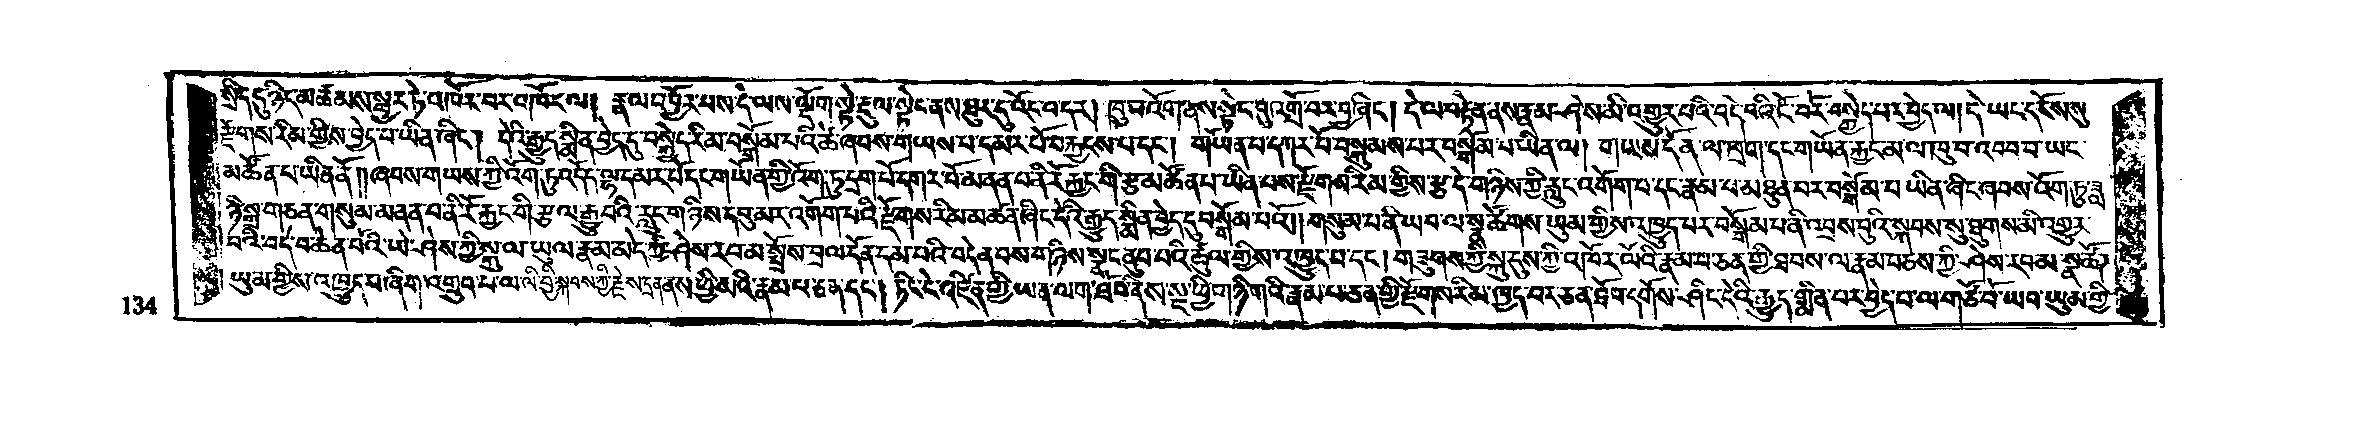སྲིད་དུ་ཉིད་མཚམས་སྦྱར་ཏེ་འཁོར་བར་འཁོར་ལ། རྣལ་འབྱོར་པས་དེ་ལས་ལྡོག་སྟེ་རྡུལ་སྟེང་ནས་ཐུར་དུ་འོང་བ་དང་། ཁུ་བ་འོག་ནས་སྟེང་དུ་འགྲོ་བར་བྱ་ཞིང་། དེ་ལ་བརྟེན་ནས་རྣམ་ཤེས་མི་འགྱུར་པའི་བདེ་བའི་ངོ་བོར་བསྐྱེད་པར་བྱེད་ལ། དེ་ཡང་དངོས་སུ་
རྫོགས་རིམ་གྱིས་བྱེད་པ་ཡིན་ཞིང་། དེའི་རྒྱུད་སྨིན་བྱེད་དུ་བསྐྱེད་རིམ་བསྒོམ་པའི་ཚེ་ཞབས་གཡས་པ་དམར་པོ་བརྐྱངས་པ་དང་། གཡོན་པ་དཀར་པོ་བསྐུམས་པར་བསྒོམ་པ་ཡིན་ལ། གཡས་དོན་ལ་ཁྲག་དང་གཡོན་རྐྱང་མ་ལ་ཁུ་བ་འབབ་པ་ཡང་
མཚོན་པ་ཡིན་ནོ། །ཞབས་གཡས་ཀྱི་འོག་ཏུ་འདོད་ལྷ་དམར་པོ་དང་གཡོན་གྱི་འོག་ཏུ་དྲག་པོ་དགར་པོ་མནན་པ་ནི་རོ་རྐྱང་གི་རྩ་མཚོན་པ་ཡིན་པས་རྫོགས་རིམ་གྱིས་རྩ་དེ་གཉིས་ཀྱི་རླུང་འགོག་པ་དང་རྣམ་པ་མཐུན་པར་བསྒོམ་པ་ཡིན་ཞིང་ཞབས་འོག་ཏུ་ཟླ་
ཉི་སྒྲ་གཅན་གསུམ་མནན་པ་ནི་རོ་རྐྱང་གི་རྩལ་རྒྱུ་བའི་རླུང་གཉིས་དབུ་མར་འགོག་པའི་རྫོགས་རིམ་མཚན་ཞིང་དེའི་རྒྱུད་སྨིན་བྱེད་དུ་བསྒོམ་པའོ། །གསུམ་པ་ནི་ཡབ་ལ་སྣ་ཚོགས་ཡུམ་གྱིས་འཁྱུད་པར་བསྒོམ་པ་ནི་འབྲས་བུའི་སྐབས་སུ་ཐུགས་མི་འགྱུར་
བའི་བདེ་བ་ཆེན་པོའི་ཡེ་ཤེས་ཀྱི་སྐུ་ལ་ཡུལ་རྣམ་མེད་ཀྱི་ཤེས་རབ་མ་སྤྲོས་བྲལ་དོན་དམ་པའི་བདེན་པས་གཉིས་སྣང་ནུབ་པའི་ཚུལ་གྱིས་འཁྱུད་པ་དང་། གཟུགས་ཀྱི་སྐུ་དུས་ཀྱི་འཁོར་ལོའི་རྣམ་པ་ཅན་གྱི་ཐབས་ལ་རྣམ་བཅས་ཀྱི་ཤེས་རབ་མ་སྣ་ཚོགས་
ཡུམ་གྱིས་འཁྱུད་པ་ཞིག་འགྲུབ་པ་ལ་ལི་བྱི་སྐབས་ཀྱི་རྗེས་དྲན་ནས་ཕྱི་མའི་རྣམ་པ་ཅན་དང་། ཏིང་ངེ་འཛིན་གྱི་ཡན་ལག་ཐོབ་ནས་སྔ་ཕྱི་གཉི་གའི་རྣམ་པ་ཅན་གྱི་རྫོགས་རིམ་ཁྱད་པར་ཅན་ཐོབ་དགོས་ཤིང་དེའི་རྒྱུད་སྨིན་པར་བྱེད་པ་ལ་གཙོ་བོ་ཡབ་ཡུམ་གྱི་